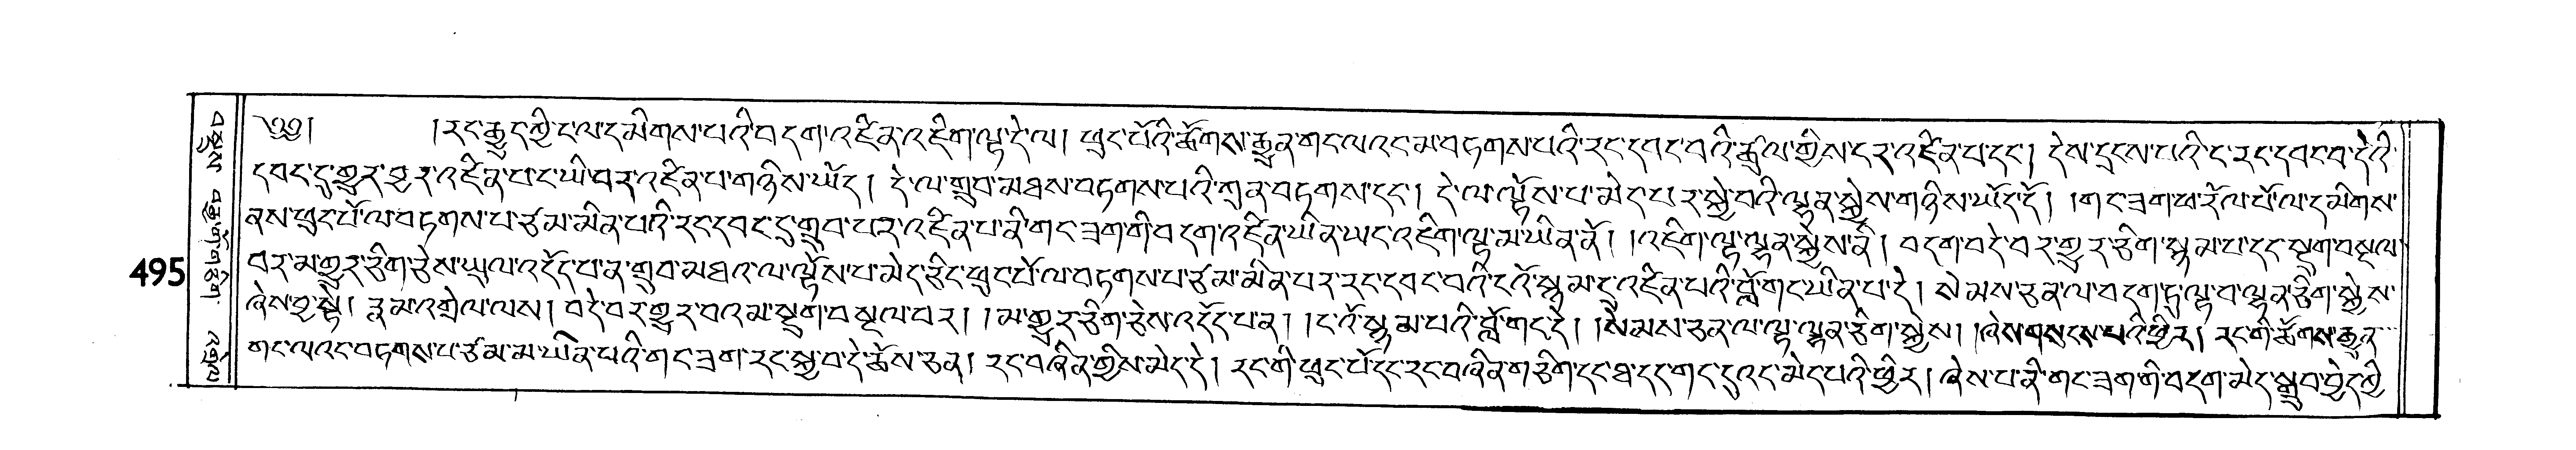༄༅། །རང་རྒྱུད་ཀྱི་ང་ལ་དམིགས་པའི་བདག་འཛིན་འཇིག་ལྟ་དེ་ལ། ཕུང་པོའི་ཚོགས་རྒྱུན་གང་ལའང་མ་བཏགས་པའི་རང་དབང་བའི་ཚུལ་གྱིས་ངར་འཛིན་པ་དང་། དེས་དྲངས་པའི་ང་རང་དབང་བ་དེའི་
དབང་དུ་གྱུར་བྱར་འཛིན་པ་ང་ཡི་བར་འཛིན་པ་གཉིས་ཡོད། དེ་ལ་གྲུབ་མཐས་བཏགས་པའི་ཀུན་བཏགས་དང་། དེ་ལ་ལྟོས་པ་མེད་པར་སྐྱེ་བའི་ལྷན་སྐྱེས་གཉིས་ཡོད་དོ། །གང་ཟག་ཕ་རོལ་པོ་ལ་དམིགས་
ནས་ཕུང་པོ་ལ་བཏགས་པ་ཙམ་མིན་པའི་རང་དབང་དུ་གྲུབ་པར་འཛིན་པ་ནི་གང་ཟག་གི་བདག་འཛིན་ཡིན་ཡང་འཇིག་ལྟ་མ་ཡིན་ནོ། །འཇིག་ལྟ་ལྷན་སྐྱེས་ནི། བདག་བདེ་བར་གྱུར་ཅིག་སྙམ་པ་དང་སྡུག་བསྔལ་
བར་མ་གྱུར་ཅིག་ཅེས་ཡུལ་འདོད་པ་ན་གྲུབ་མཐའ་ལ་ལྟོས་པ་མེད་ཅིང་ཕུང་པོ་ལ་བཏགས་པ་ཙམ་མིན་པར་རང་དབང་བའི་ངའོ་སྙམ་དུ་འཛིན་པའི་བློ་གང་ཡིན་པ་དེ། སེམས་ཅན་ལ་བདག་ཏུ་ལྟ་བ་ལྷན་ཅིག་སྐྱེས་
ཞེས་བྱ་སྟེ། རྣམ་འགྲེལ་ལས། བདེ་བར་གྱུར་བའམ་སྡུག་བསྔལ་བར། །མ་གྱུར་ཅིག་ཅེས་འདོད་པ་ན། །ང་འོ་སྙམ་པའི་བློ་གང་དེ། །སེམས་ཅན་ལ་ལྟ་ལྷན་ཅིག་སྐྱེས། །ཞེས་གསུངས་པའི་ཕྱིར། རང་གི་ཚོགས་རྒྱུན་
གང་ལའང་བཏགས་པ་ཙམ་མ་ཡིན་པའི་གང་ཟག་རང་སྐྱ་བ་དེ་ཆོས་ཅན། རང་བཞིན་གྱིས་མེད་དེ། རང་གི་ཕུང་པོ་དང་རང་བཞིན་གཅིག་དང་ཐ་དད་གང་དུའང་མེད་པའི་ཕྱིར། ཞེས་པ་ནི་གང་ཟག་གི་བདག་མེད་སྒྲུབ་བྱེད་ཀྱི་